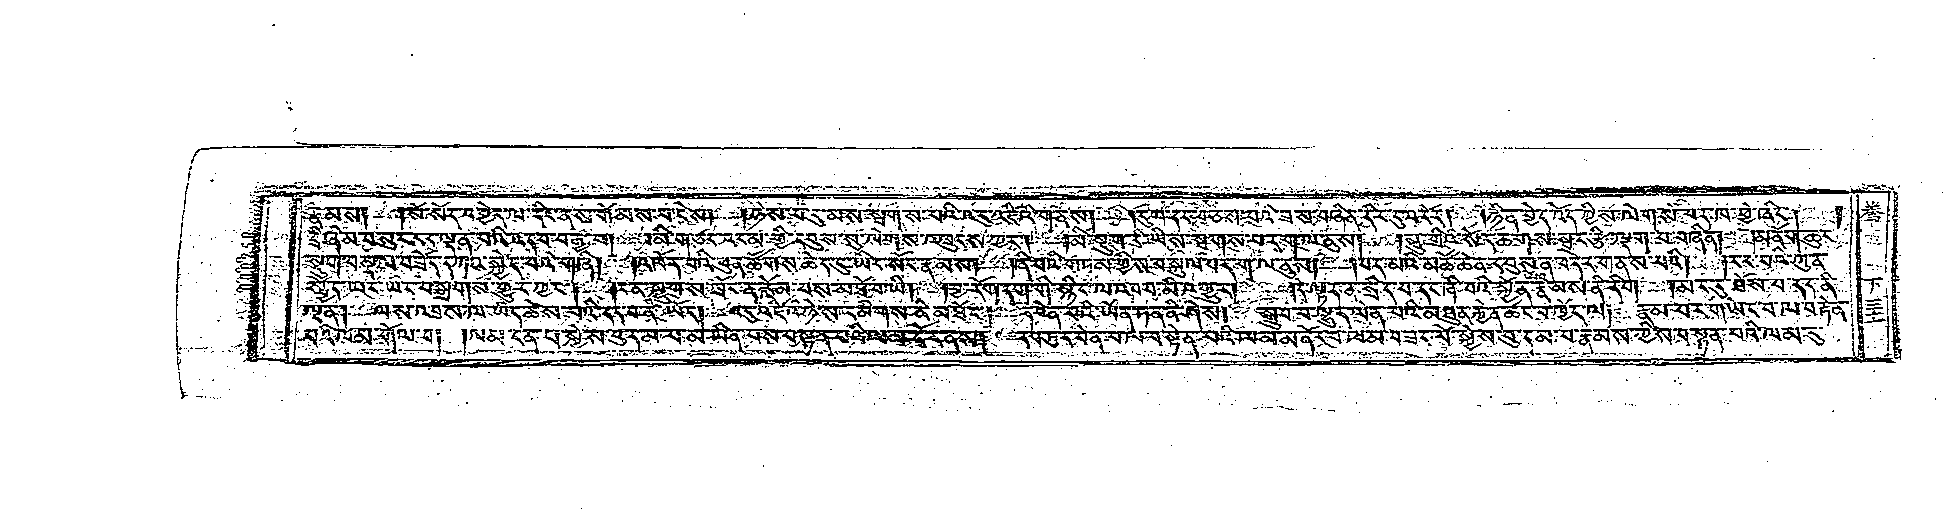རྣམས། །སོ་སོར་འབྱེད་ལ་རིང་ནས་གོམས་པ་དེས། །ཉེས་པ་དུ་མས་སྤགས་པའི་འདུ་འཛིའི་གནས། །དུག་དང་བཅས་པའི་ཟས་བཞིན་རིང་དུ་བདོར། །ཉིན་བྱེད་འོད་ཀྱིས་ལེགས་པར་ཁ་ཕྱེ་ཞིང་། །
དྲི་ཞིམ་བསུང་དང་ལྡན་པའི་འདབ་བརྒྱ་པ། །མི་གཙང་འདམ་གྱི་དབུས་སུ་ལེགས་འཁྲུངས་ཀྱང་། །མི་སྡུག་དྲི་ཡིས་སྤགས་པར་ག་ལ་ནུས། །སྤུ་གྲིའི་སོད་ཆགས་སྦྲང་རྩི་ལྡག་པ་བཞིན། །མནོག་ཆུང་
སྡུག་བསྔལ་བཟོད་དཀའ་སྐྱིད་པའི་གཞི། །འཁོར་བའི་ཕུན་ཚོགས་ཆེད་དུ་ཡིད་སོང་རྣམས། །ཞི་བའི་གཏམ་གྱིས་བསྐུལ་བར་ག་ལ་ནུས། །པད་མའི་མཚོ་ཆེན་དབུས་ན་བདེར་གནས་པའི། །ངང་པའི་ཀུན་
སྤྱོད་ཡང་ཡང་བསྒྲགས་གྱུར་ཀྱང་། །ངན་སྐྱུགས་ཁྲོང་ན་རློམ་པས་མཐོ་བ་ཡི། །བྱ་རོག་དག་གི་སྙིང་ལ་འབབ་མི་འགྱུར། །དེ་ལྟར་ན་སྲིད་པ་དང་ཞི་བའི་སྐྱོན་རྣམས་ནི་རིག །མང་དུ་ཐོས་པ་དང་ནི་
ལྡན། ལས་འབྲས་ལ་ཡིད་ཆེས་པའི་དད་པ་ནི་ཡོད། འདུ་འཛིའི་ཉེས་དམིགས་ནི་མཐོང་། དབེན་པའི་ཡོན་ཏན་ནི་ཤེས། སྒྲུབ་པ་ལྷུར་ལེན་པའི་མཐུན་རྐྱེན་ཚང་བ་ཁྱོད་ལ། རྣམ་པར་གཡེང་བ་ལ་བརྟེན་
པའི་ལམ་གོལ་བ། །ལམ་ངན་པ་སྐྱེས་བུ་དམ་པ་མ་ཡིན་པས་བསྟན་པའི་ལམ་དོར་ནས། རབ་ཏུ་དབེན་པ་ལ་བསྟེན་པའི་ལམ་མ་ནོར་བ་ལམ་བཟང་པོ་སྐྱེས་བུ་དམ་པ་རྣམས་ཀྱིས་བསྟན་པའི་ལམ་དུ་